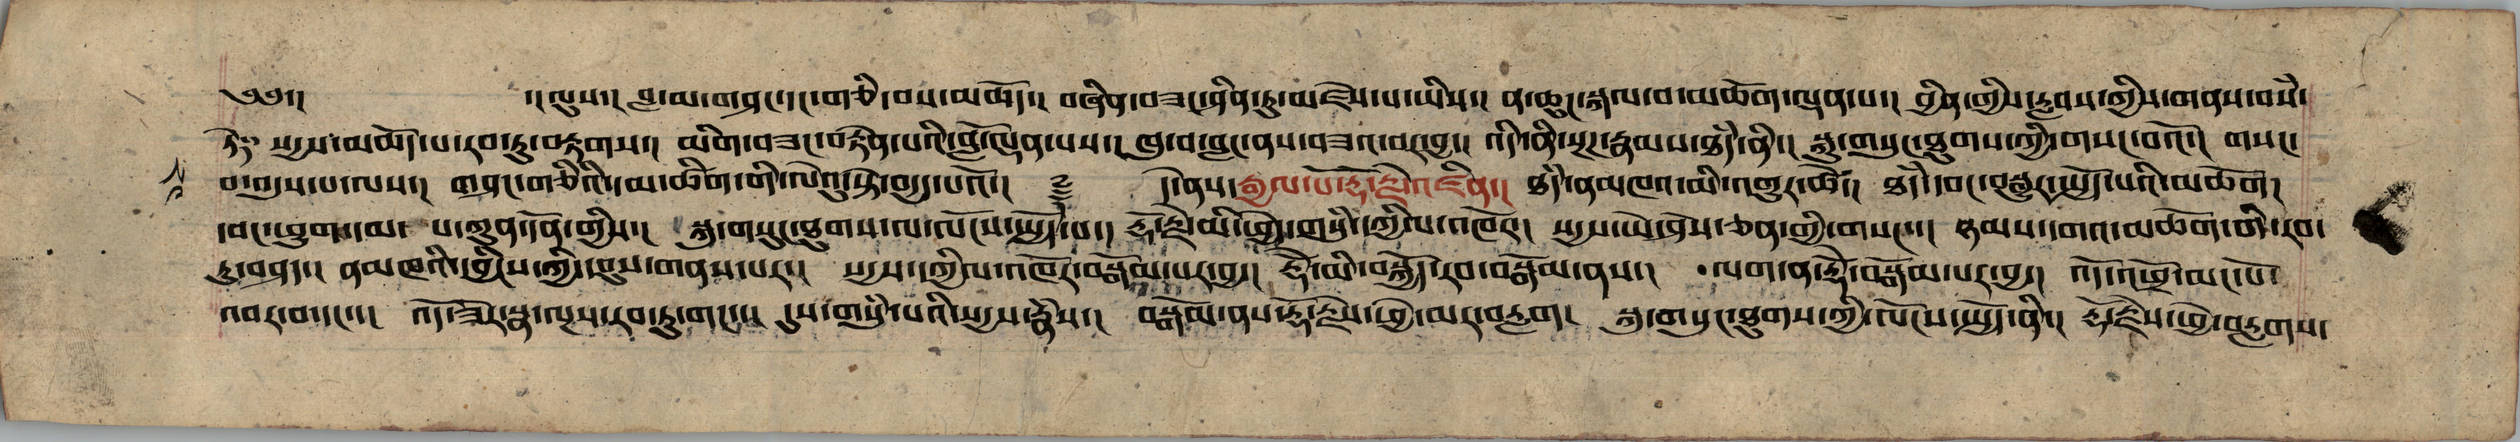༄༅་། ་།ལུས་། བླ་མ་གཤང་དང་གཅི་བས་མཆོད་། བཞིན་བཟང་ཤིན་ཏུ་མཛེས་པ་ཡིས་། ན་ཆུང་སྐལ་བ་མཆོག་ལྡན་པ་། བྱིན་གྱིས་རླབས་ཀྱིས་གནས་བསཾ་
ཏེ༑ སདྱས་མཆོད་པ་རབ་ཏུ་བརྟགས་། མིག་བཟང་བརྟེན་པའི་བློ་ལྡན་པས་། ཁུ་བ་བླང་ནས་བཟའ་བར་བྱ་། འདི་ནི་སྔཌ་རྣམས་ཐཾད་ནི་། སྐུ་གསུང་ཐུགས་ཀྱི་གསང་བའོ་། གསང་
བ་འདུས་པ་ལས་། གཤང་གཅིའི་དམ་ཚིག་གི་ལེའུ་སྟེ་བདྱད་པའོ་། ༈ དེ་ནས་རྒྱལ་པོ་རྡོ་རྗེ་འཛིན་། ཐཾད་ནམཁའ་མི་འགྱུར་ཚེ་། ཐཾད་དབང་བསྒྱུར་སྤྱོད་པའི་མཆོག།
དབང་ཕྱུག་དམ་ པ་ཀུན་དོན་གྱིས་། སྐུ་གསུང་ཐུགས་ལ་ལོངས་སྤྱོད་པ་། རྡོ་རྗེ་མི་ཕྱེད་གསུཾ་དཀྱིལ་འཁོར་། སདྱས་ཡེ་ཤེས་ཅན་གྱི་གསང་་། ཉམས་དགའ་མཆོག་གི་རབ་
ཏུ་བཤད་། ནམ་མཁའི་དབྱིངས་ཀྱི་དབུས་གནས་པར་། སདྱས་དཀྱིལ་འཁོར་བསྒོམ་པར་བྱ་། རྡོེ་མི་བསྐྱོད་རབ་བསྒོམ་ནས་། ལག་ན་རྡོེ་བསྒོམ་པར་བྱ་། འོད་འཕྲོ་མང་པོ་
འབར་བ་དང་་། འོད་ཟེར་སྣ་ལྔ་རབ་ཏུ་གང་་། དུས་གསུཾ་པའི་སདྱས་རྣཾས་། བསྒོམ་ནས་རྡོ་རྗེ་ཕྱེ་མར་བརླག། སྐུ་གསུང་ཐུགས་ཀྱི་ལོངས་སྤྱོད་ནི་། རྡོ་རྗེ་ཕྱེ་བརླགས་